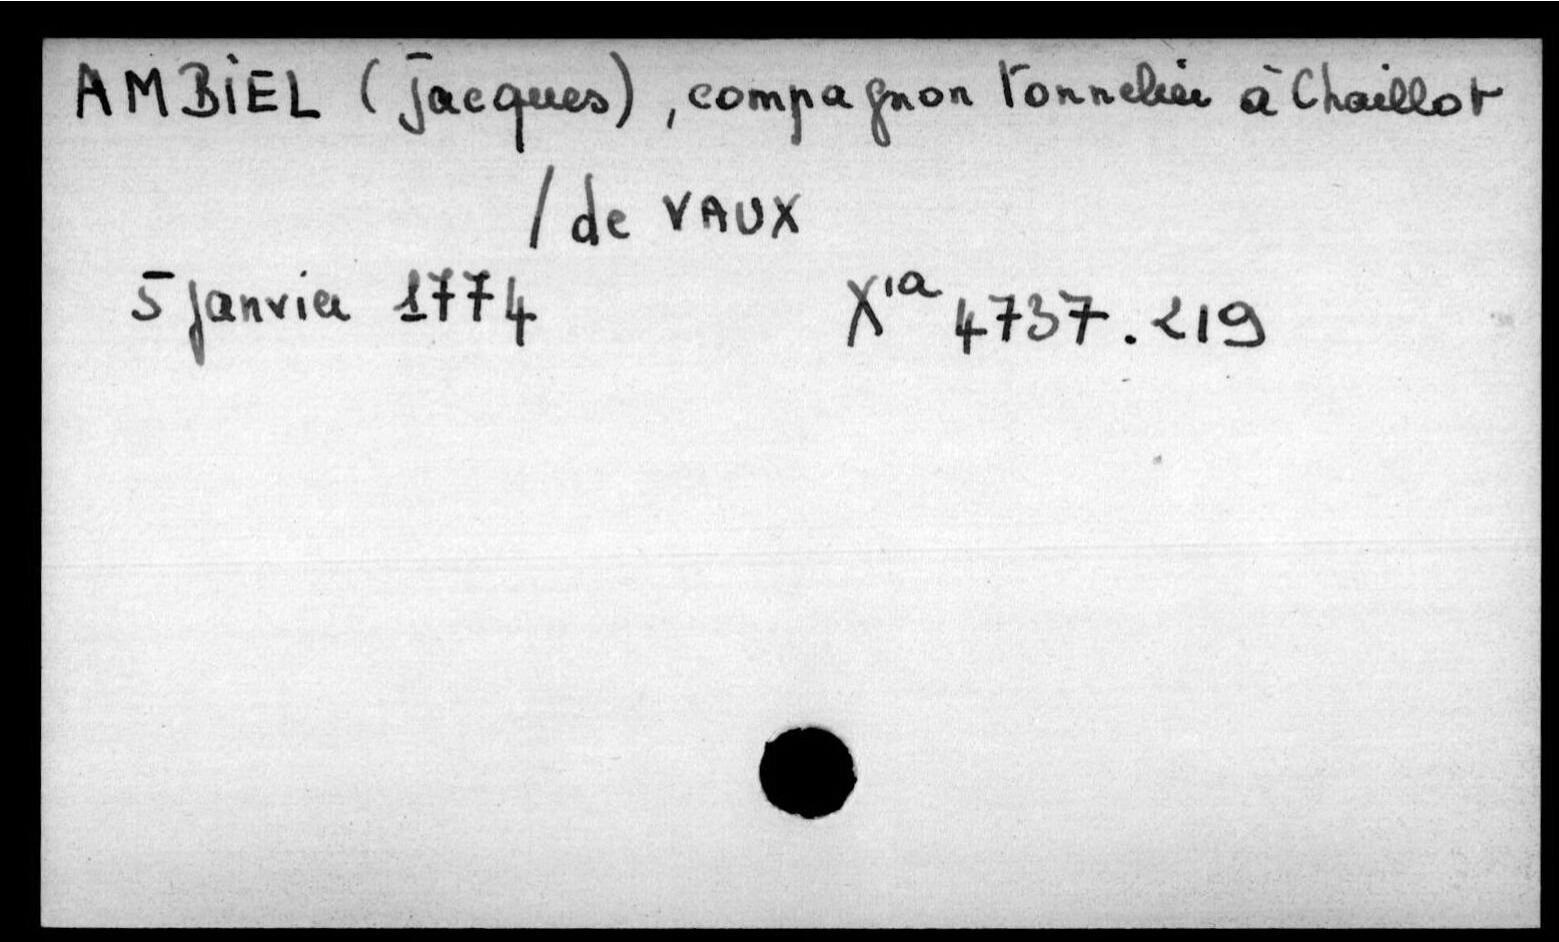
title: AMBIEL (Jacques), compagnon tonnelier à Chaillot
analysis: Contre de VAUX
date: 5 janvier 1774
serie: X1a
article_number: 4737
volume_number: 219
